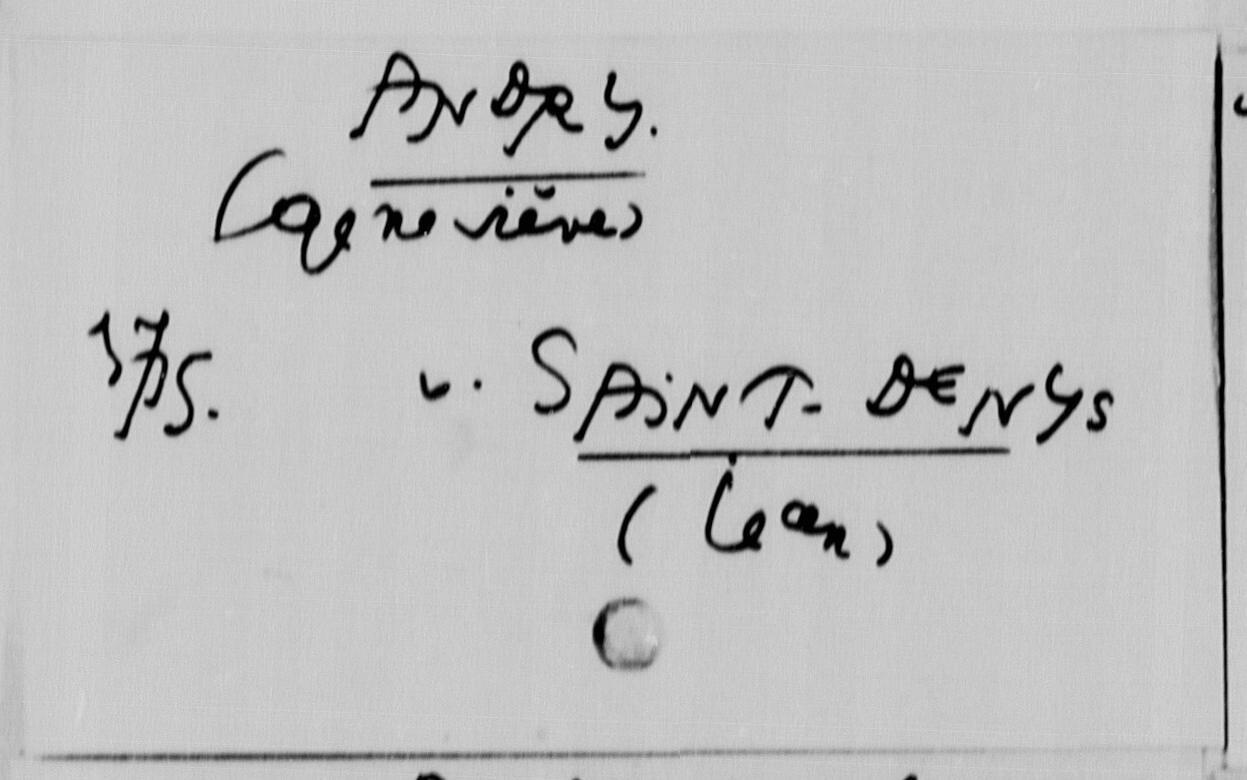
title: ANDRY (Geneviève)
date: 1715
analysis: Voir SAINT-DENYS (Jean)
